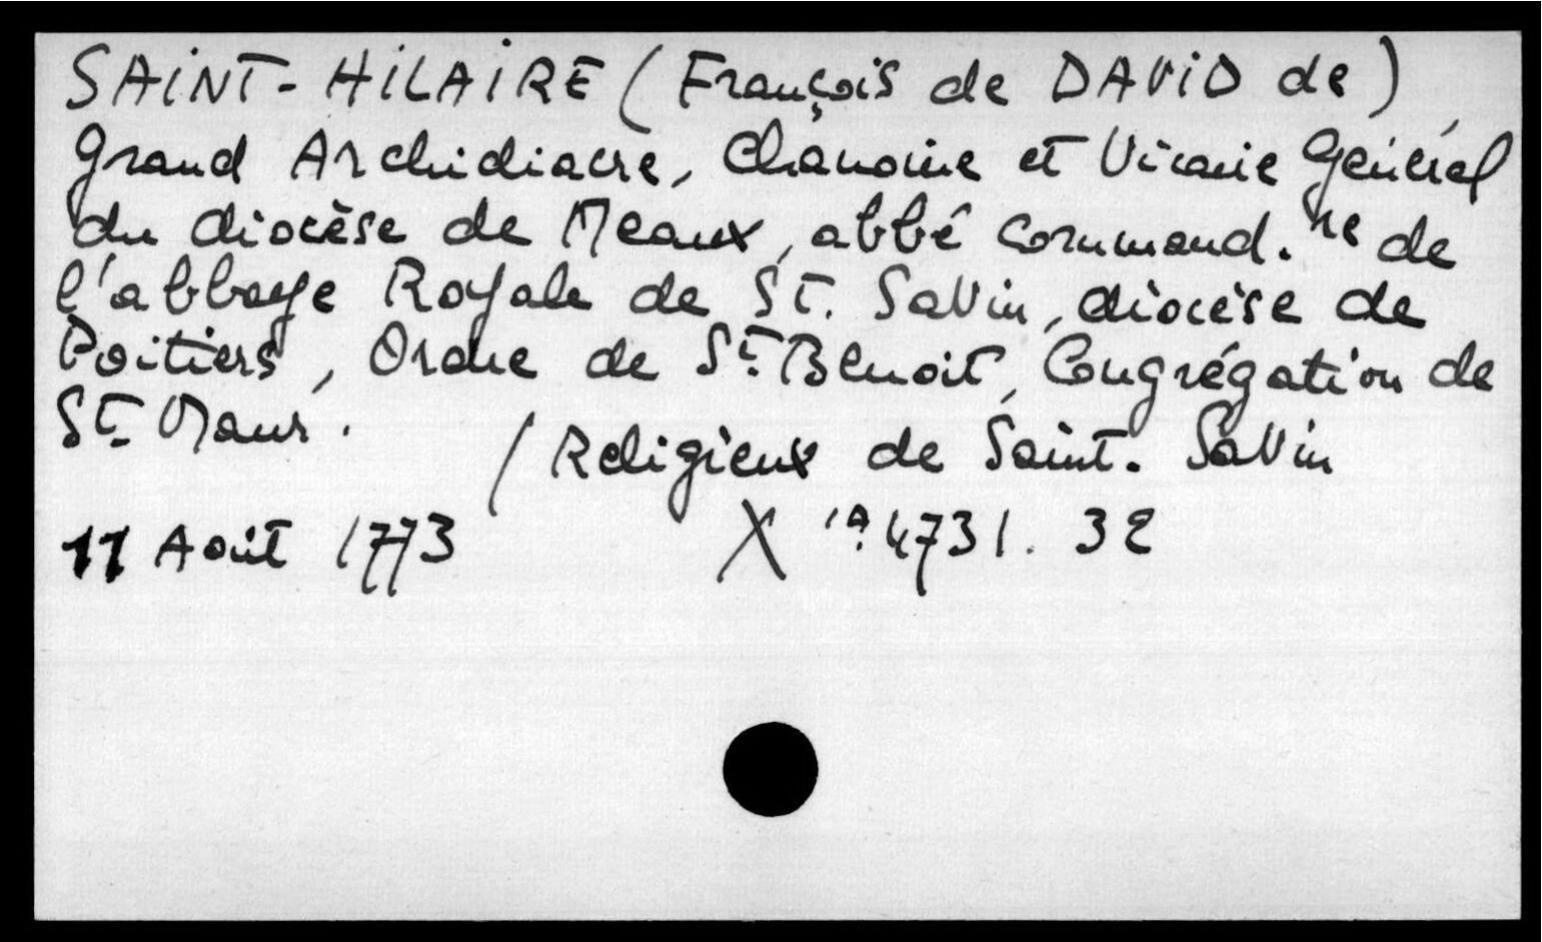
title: SAINT-HILAIRE (François de DAVID de) grand Archidiacre, chanoine et Vicaire général du diocèse de Meaux, abbé commanditaire de l'abbaye Royale de Saint-Savin, diocèse de Poitiers, Ordre de Saint-Benoit, Congrégation de Saint-Maur.
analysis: Contre Religieux de Saint-Savin
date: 11 août 1773
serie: X1A
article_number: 4731
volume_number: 32
